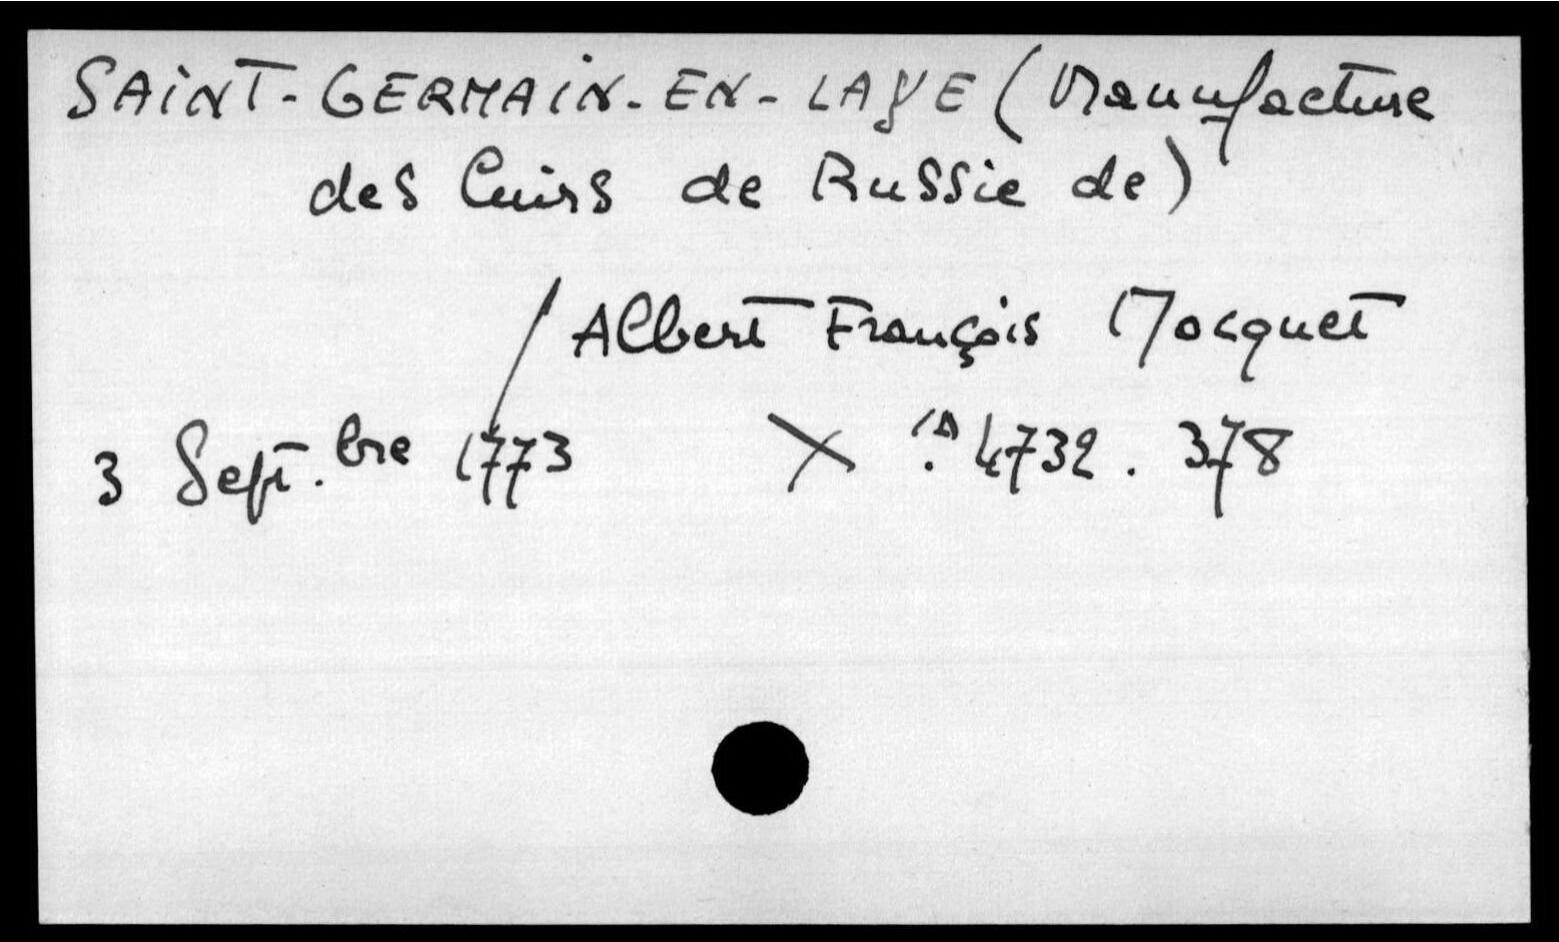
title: SAINT-GERMAIN-EN-LAVE (Maufacture des Cuirs de Russie de)
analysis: Contre Albert François Mocquet
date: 3 septembre 1773
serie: X1A
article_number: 4732
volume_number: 378
